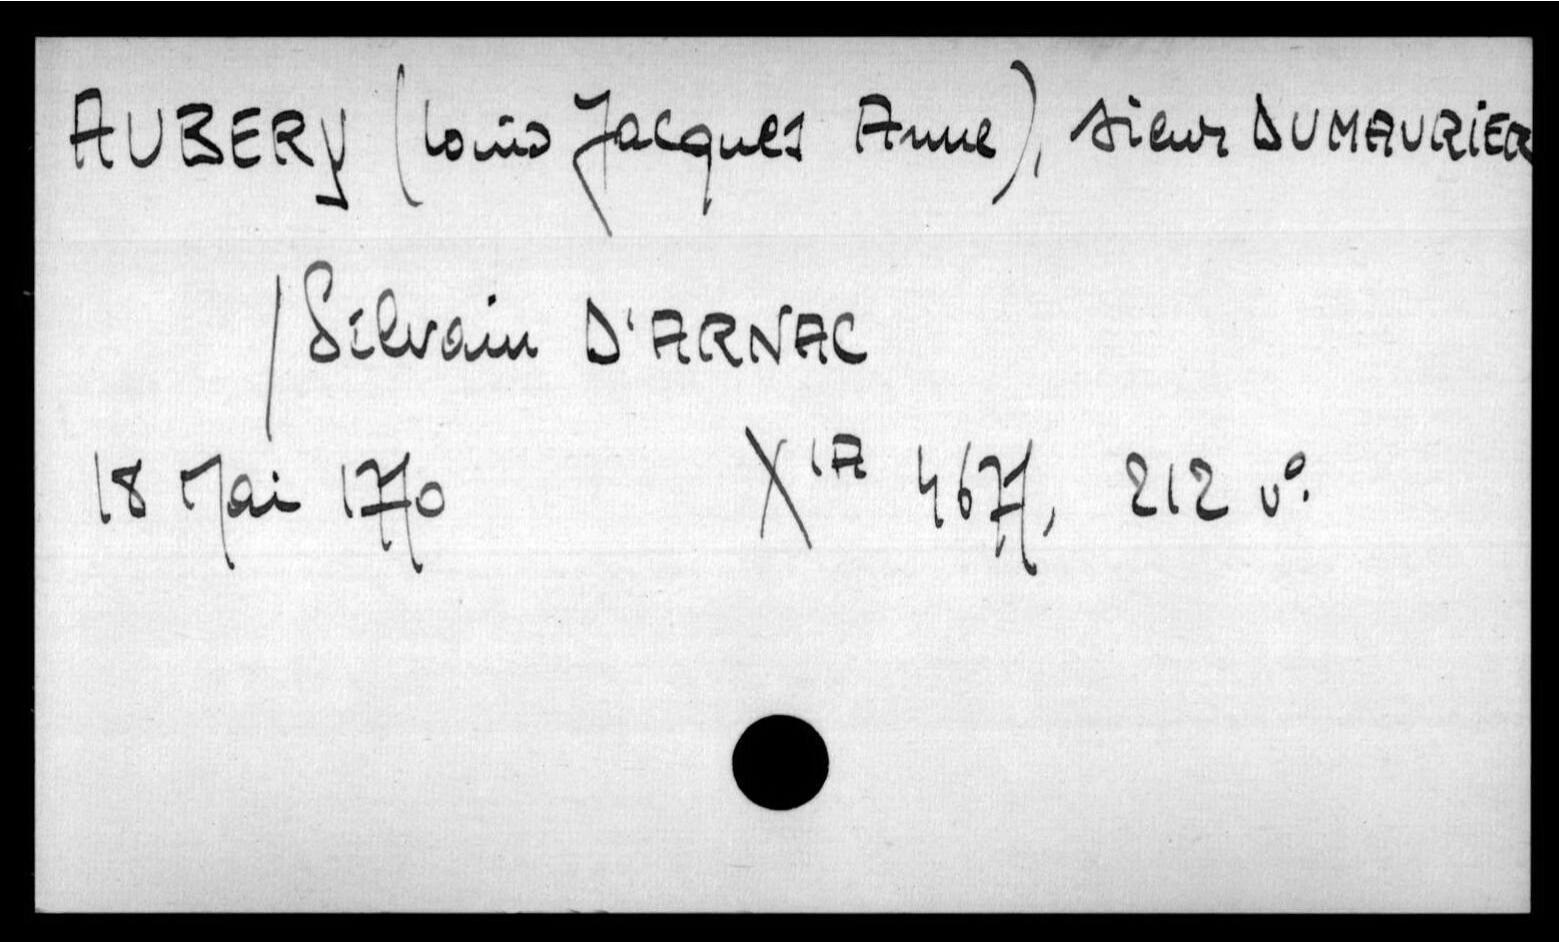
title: AUBERY (Louis Jacques Anne), Sieur DUMAURIER
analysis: Contre Silvain D'ARNAC
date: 18 mai 1770
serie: X1A
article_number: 4677
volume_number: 212v
